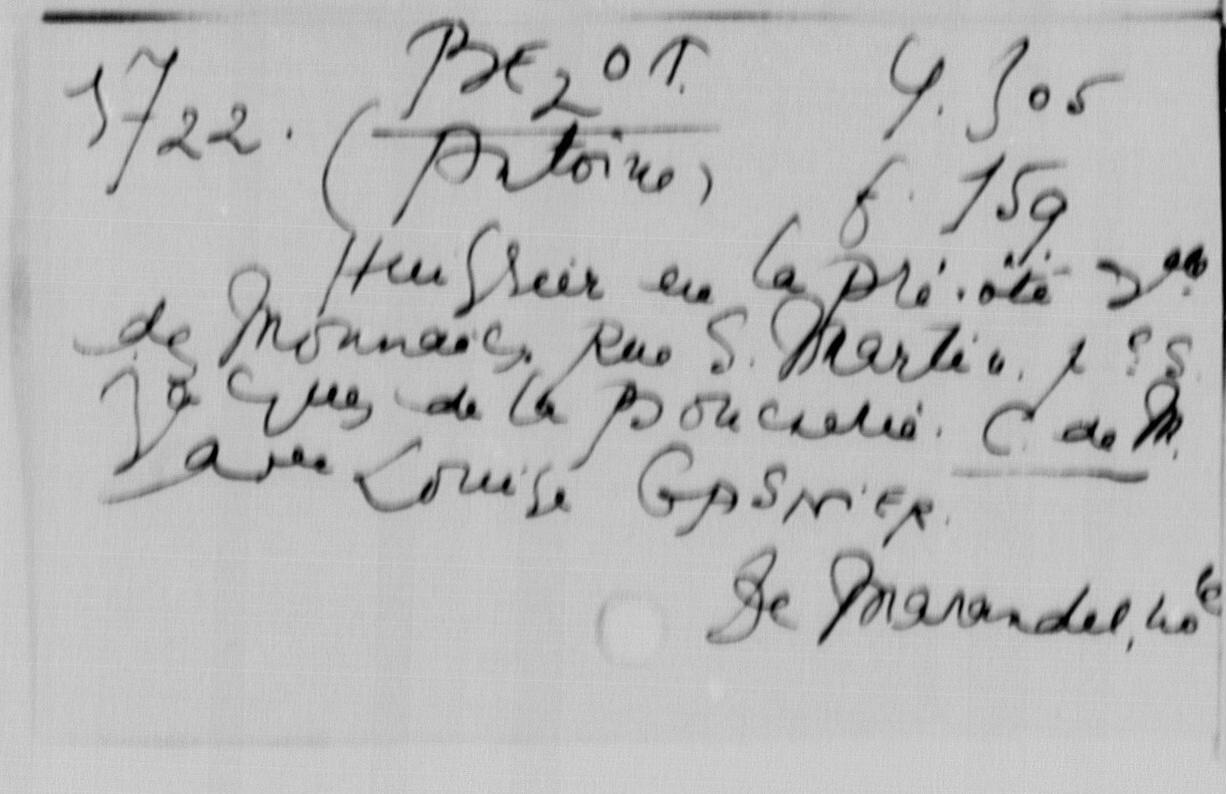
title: BELOT (Antoine)
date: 1722
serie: Y
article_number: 305
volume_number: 159
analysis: Huissier en la Prévôté grande de Monnaies, rue Saint Martin, paroisse Saint-Jacques de la Boucherie Contrat de mariage avec Louise GASNIER De Marandel, notaire
